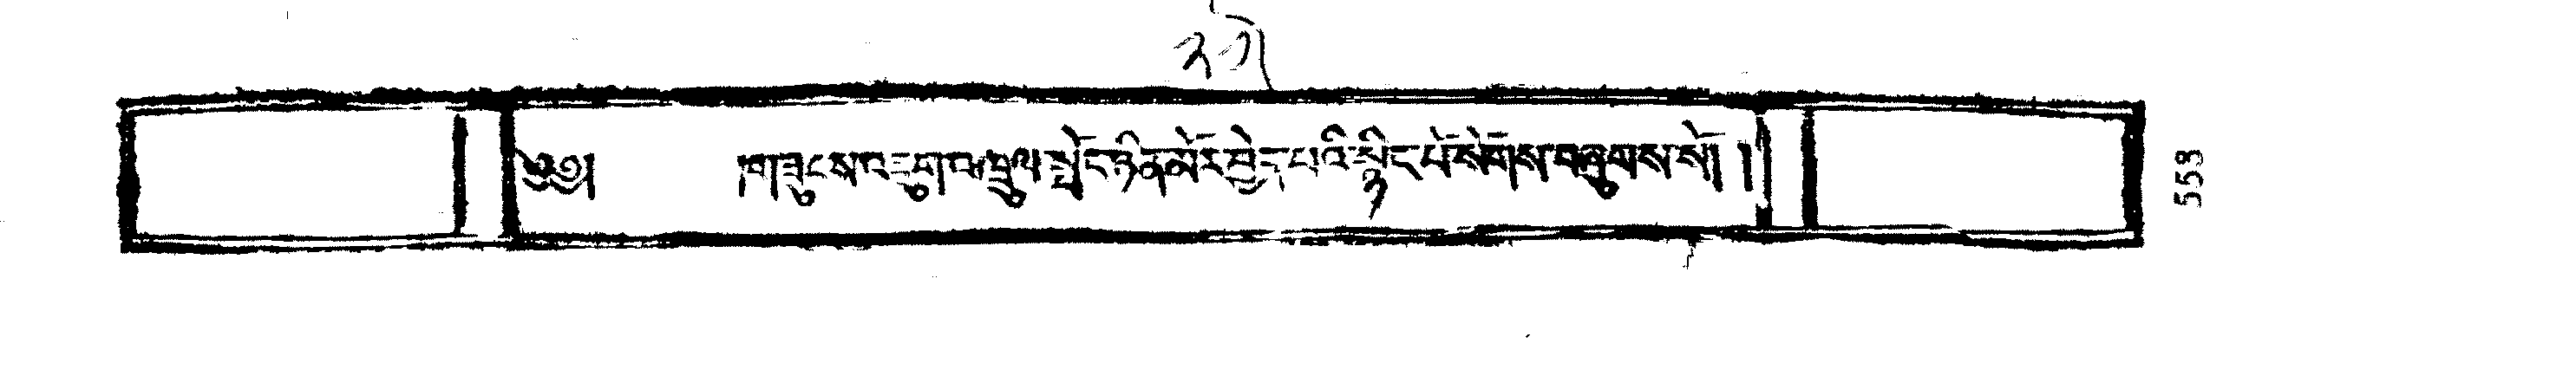༄༅། །གཟུངས་འཇུག་འཁྲུལ་སྤོང་ཉིན་མོར་བྱེད་པའི་སྙིང་པོ་སོགས་བཞུགས་སོ། །